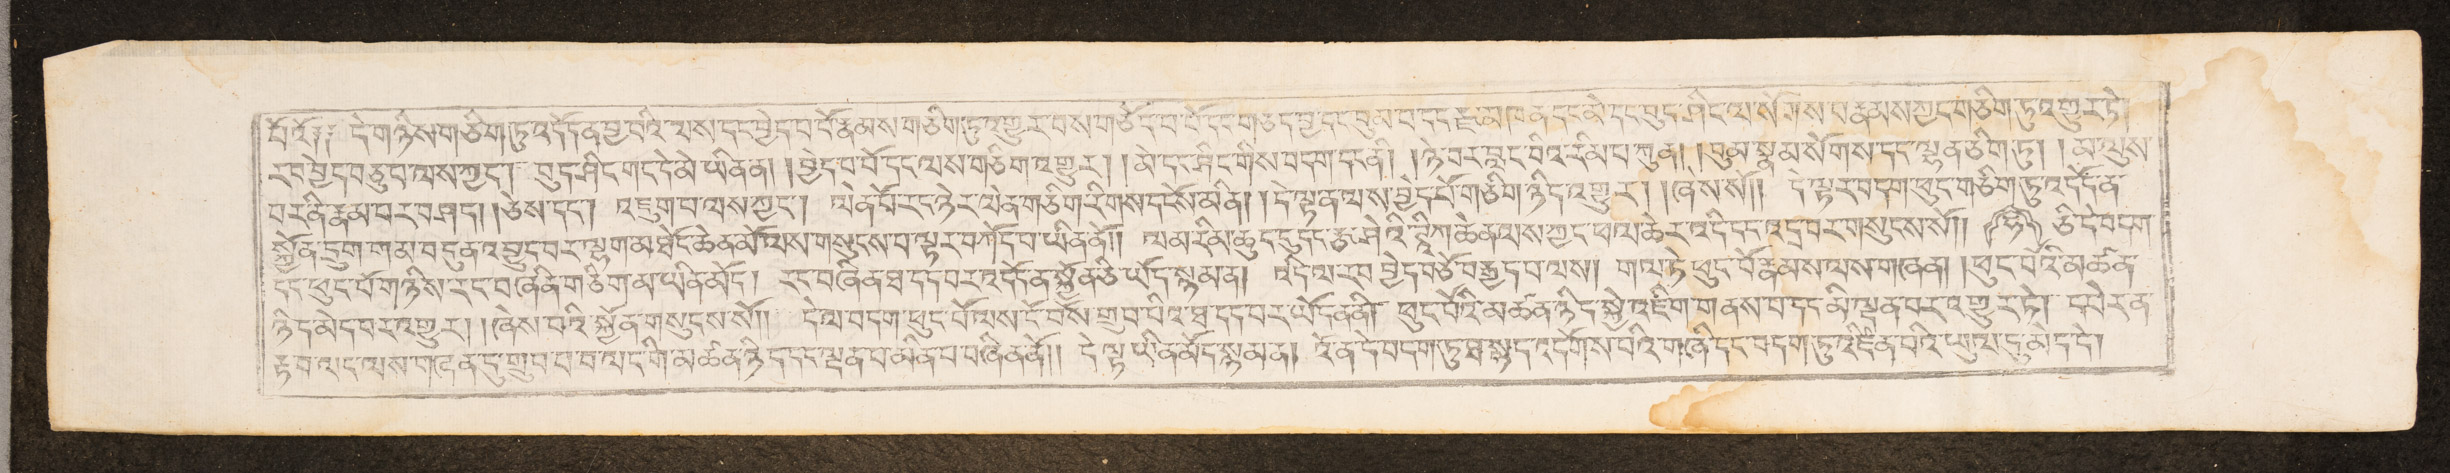བོའོ༑༑ དེ་གཉིས་གཅིག་ཏུ་འདོད་ན་བྱ་བའི་ལས་དང་བྱེད་པ་པོ་རྣམས་གཅིག་ཏུ་འགྱུར་བས་གཅོད་པ་པོ་དང་གཅད་བྱ་དང་བུམ་པ་དང་རྫ་མཁན་དང་མེད་དང་བུད་ཤིང་ལ་སོགས་པ་རྣམས་ཀྱང་གཅིག་ཏུ་འགྱུར་ཏེ།
རབ་བྱེད་བཅུ་པ་ལས་ཀྱང་། བུད་ཤིང་གང་དེ་མེ་ཡིན་ན། །བྱེད་པ་པོ་དང་ལས་གཅིག་འགྱུར། །མེ་དང་ཤིང་གིས་བདག་དང་ནི། །ཉེ་བར་བླང་བའི་རིམ་པ་ཀུན། །བུམ་སྣམ་མ་སོགས་དང་ལྷན་ཅིག་ཏུ། །མ་ལུས་
པར་ནི་རྣམ་པར་བཤད། །ཅེས་དང་། འཇུག་པ་ལས་ཀྱང་། ལེན་པོ་རང་ཉེར་ལེན་གཅིག་རིགས་དངོས་མིན། །དེ་ལྟ་ན་ལས་བྱེད་པོ་གཅིག་ཉིད་འགྱུར། །ཞེས་སོ།། དེ་ལྟ་བདག་ཕུང་གཅིག་ཏུ་འདོད་ན་
སྐྱོན་དྲུག་གམ་བདུན་འབྱུང་བར་ལྷག་མཐོང་ཆེན་མོ་ལས་གསུངས་པ་ལྟར་བཀོད་པ་ཡིན་ནོ།། ལམ་རིམ་ཆུང་དུ་དང་རྩ་ཤེའི་ཊའི་ཆེན་ལས་ཀྱང་ཕལ་ཆེར་འདི་དང་འདྲ་བར་གསུངས་སོ།། ༼༽ཧ༼༽ ཅི་དེ་བདག་
དང་ཕུང་པོ་གཉིས་རང་བཞིན་གཅིག་མ་ཡིན་མོད། རང་བཞིན་ཐ་དད་པར་འདོད་ན་སྐྱོན་ཅི་ཡོད་སྙམ་ན། འདི་ལ་རབ་བྱེད་བཅོ་བརྒྱད་པ་ལས། གལ་ཏེ་ཕུང་པོ་རྣམས་ལས་གཞན། །ཕུང་པོའི་མཚན་
ཉིད་མེད་པར་འགྱུར། །ཞེས་པའི་སྐྱོན་གསུངས་སོ།། དེ་ལ་བདག་ཕུང་པོ་ལས་ངོ་བོས་གྲུབ་པའི་ཐ་དད་པར་ཡོད་ན་ནི། ཕུང་པོའི་མཚན་ཉིད་སྐྱེ་འཇིག་གནས་པ་དང་མི་ལྡན་པར་འགྱུར་ཏེ། དཔེར་ན་
རྟ་བ་ལང་ལས་གཞན་དུ་གྲུབ་པ་བ་ལང་གི་མཚན་ཉིད་དང་ལྡན་པ་མིན་པ་བཞིན་ནོ།། དེ་ལྟ་ཡིན་མདོ་སྙམ་ན། འོ་ན་དེ་བདག་ཏུ་ཐ་སྙད་འདོགས་པའི་གཞི་དང་བདག་ཏུ་འཛིན་པའི་ཡུལ་དུ་མེད་དེ།